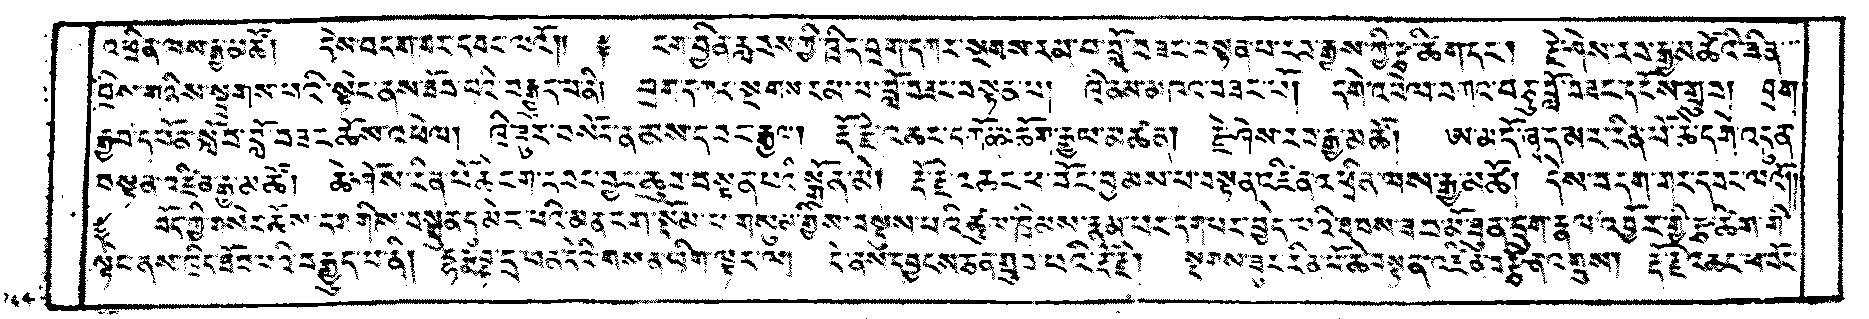འཕྲིན་ལས་རྒྱ་མཚོ། དེས་བདག་གར་དབང་ལའོ།། ༈ ངག་བྱིན་རླབས་ཀྱི་ཁྲིད་བྲག་དཀར་སྔགས་རམ་པ་བློ་བཟང་བསྟན་པ་རབ་རྒྱས་ཀྱི་རྩ་ཚིག་དང་། རྗེ་ཤེས་རབ་རྒྱ་མཚོའི་ཟིན་
བྲིས་གཉིས་སྦྲགས་པའི་སྟེང་ནས་ཐོབ་པའི་བརྒྱུད་པ་ནི། བྲག་དཀར་སྔགས་རམ་པ་བློ་བཟང་བསྟན་པ། ཁྲི་ནམ་མཁའ་བཟང་པོ། དགེ་འཕེལ་བཀའ་བཅུ་བློ་བཟང་དངོས་གྲུབ། བྲག་
རྒྱབ་དཔོན་སློབ་བློ་བཟང་ཆོས་འཕེལ། ཁྲི་ཟུར་བསོད་ནམས་དབང་རྒྱལ། རྡོ་རྗེ་འཆང་དཀོན་མཆོག་རྒྱལ་མཚན། རྗེ་ཤེས་རབ་རྒྱ་མཚོ། ཨ་མདོ་ཞྭ་དམར་རིན་པོ་ཆེ་དགེ་འདུན་
བསྟན་འཛིན་རྒྱ་མཚོ། ཆེ་ཤོས་རིན་པོ་ཆེ་ངག་དབང་བྱང་ཆུབ་བསྟན་པའི་སྒྲོན་མེ། རྡོ་རྗེ་འཆང་ཕ་བོང་བྱམས་པ་བསྟན་འཛིན་འཕྲིན་ལས་རྒྱ་མཚོ། དེས་བདག་གར་དབང་ལའོ།།
༈ བོད་ཀྱི་གསེར་ཆོས་དག་གིས་བསྒྲུན་དུ་མེད་པའི་མན་ངག་སྡོམ་པ་གསུམ་གྱིས་བསྡུས་པའི་ཚུལ་ཁྲིམས་རྣམ་པར་དག་པར་བྱེད་པའི་ཐབས་ཟབ་མོ་ཐུན་དྲུག་རྣལ་འབྱོར་གྱི་རྩ་ཚིག་གི་
སྟེང་ནས་ཁྲིད་ཐོབ་པའི་བརྒྱུད་པ་ནི། དྷརྨ་བྷ་དྲ་ཡན་དེའི་གསན་ཡིག་ལྟར་ལ། དེ་ནས་དབྱངས་ཅན་གྲུབ་པའི་རྡོ་རྗེ། སྔགས་ཟུར་རིན་པོ་ཆེ་བསྟན་འཛིན་བརྩོན་འགྲུས། རྡོ་རྗེ་འཆང་ཕ་བོང་